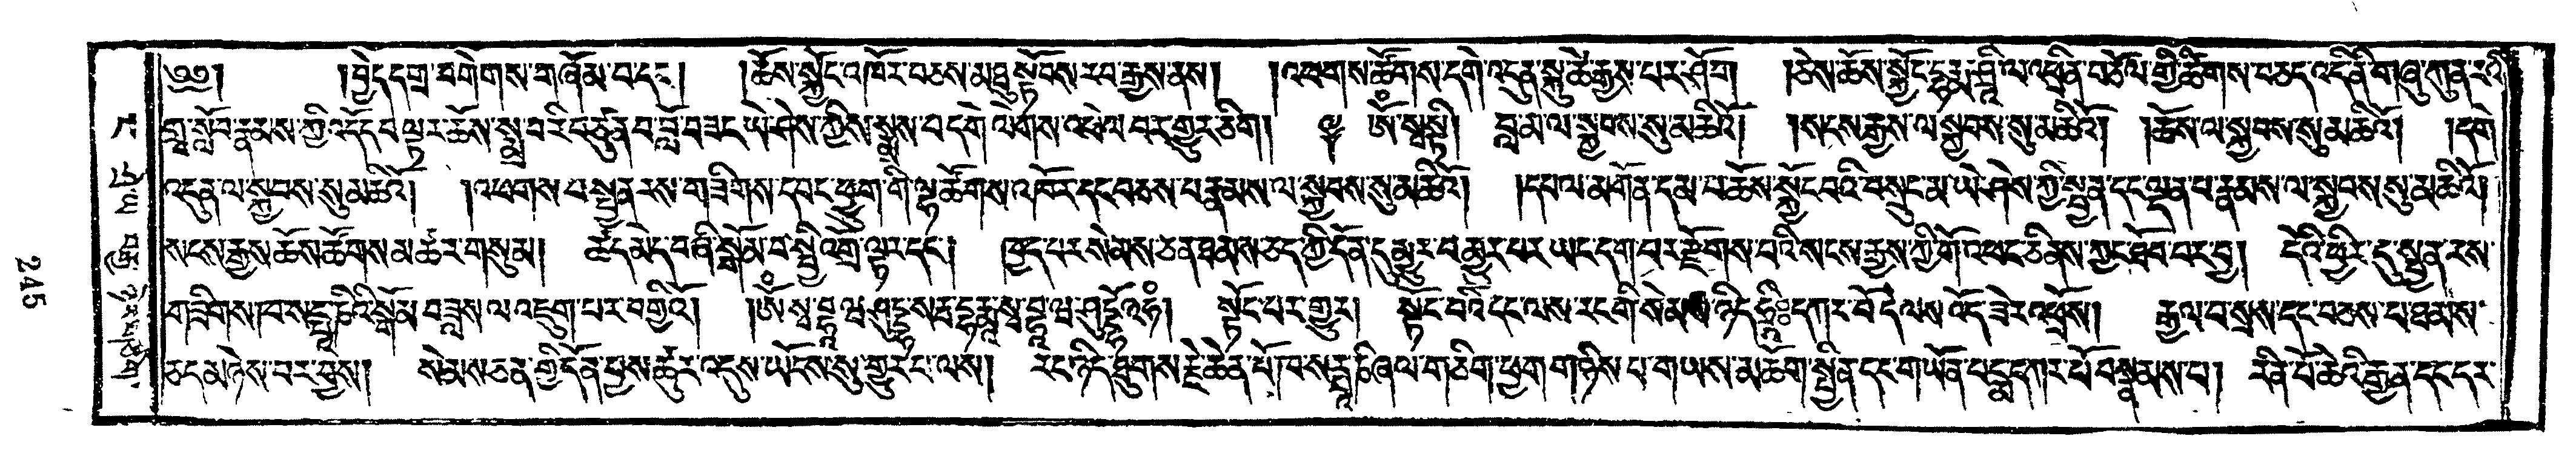༄༅། །བྱེད་དགྲ་བགེགས་གཞོམ་བ་དང་། །ཆོས་སྐྱོང་འཁོར་བཅས་མཐུ་སྟོབས་རབ་རྒྱས་ནས། །འཕགས་ཚོགས་དགེ་འདུན་སྐུ་ཚེ་རྒྱས་པར་ཤོག །ཅེས་ཆོས་སྐྱོང་དྷརྨ་ཤྲཱི་ལ་འཕྲིན་བཅོལ་གྱི་ཚིགས་བཅད་འདི་ནི་གཞུ་ཀུན་རའི་
གྲྭ་སློབ་རྣམས་ཀྱི་འདོད་བ་ལྟར་ཆོས་སྨྲ་བ་རི་བཙུན་བ་བློ་བཟང་ཡེ་ཤེས་ཀྱིས་སྨྲས་བ་དགེ་ལེགས་འཕེལ་བར་གྱུར་ཅིག། ༈ ཨོཾ་སྭསྟི། བླ་མ་ལ་སྐྱབས་སུ་མཆིའོ། །སངས་རྒྱས་ལ་སྐྱབས་སུ་མཆིའོ། །ཆོས་ལ་སྐྱབས་སུ་མཆིའོ། །དགེ་
འདུན་ལ་སྐྱབས་སུ་མཆིའོ། །འཕགས་པ་སྤྱན་རས་གཟིགས་དབང་ཕྱུག་གི་ལྷ་ཚོགས་འཁོར་དང་བཅས་པ་རྣམས་ལ་སྐྱབས་སུ་མཆིའོ། །དཔལ་མགོན་དམ་པ་ཆོས་སྐྱོང་བའི་བསྲུང་མ་ཡེ་ཤེས་ཀྱི་སྤྱན་དང་ལྡན་པ་རྣམས་ལ་སྐྱབས་སུ་མཆིའོ། །
སངས་རྒྱས་ཆོས་ཚོགས་མ་ཚར་གསུམ། ཚད་མེད་བཞི་སྒོམ་བ་སྤྱི་འགྲོ་ལྟར་དང་། ཁྱད་པར་སེམས་ཅན་ཐམས་ཅད་ཀྱི་དོན་དུ་མྱུར་བ་མྱུར་པར་ཡང་དག་པར་རྫོགས་པའི་སངས་རྒྱས་ཀྱི་གོ་འཕང་ཅི་ནས་ཀྱང་ཐོབ་བར་བྱ། དེའི་ཕྱིར་དུ་སྤྱན་རས་
གཟིགས་ཁ་སངྤཱ་ཎིའི་སྒོམ་བཟླས་ལ་འཇུག་པར་བགྱིའོ། །ཨོཾ་སྭ་བྷཱ་ཝ་ཤུདྡྷ་སརྦ་དྷརྨཱ་སྭ་བྷཱ་ཝ་ཤུདྡྷོཉཧཾ། སྟོང་པར་གྱུར། སྟོང་བའི་དང་ལས་རང་གི་སེམས་ཉིད་ཧྲཱིཿདཀར་པོ་དེ་ལས་འོད་ཟེར་འཕྲོས། རྒྱལ་བ་སྲས་དང་བཅས་པ་ཐམས་
ཅད་མཉེས་བར་བྱིས། སེམས་ཅན་གྱི་དོན་བྱས་ཚུར་འདུས་ཡོངས་སུ་གྱུར་པ་ལས། རང་ཉིད་ཐུགས་རྗེ་ཆེན་པོ་ཁ་སརྤཱ་ཎི་ཞལ་གཅིག་ཕྱག་གཉིས་པ་གཡས་མཆོག་སྤྱིན་དང་གཡོན་པདམ་དཀར་པོ་བསྣམས་པ། རིན་པོ་ཆེའི་རྒྱན་དང་དར་